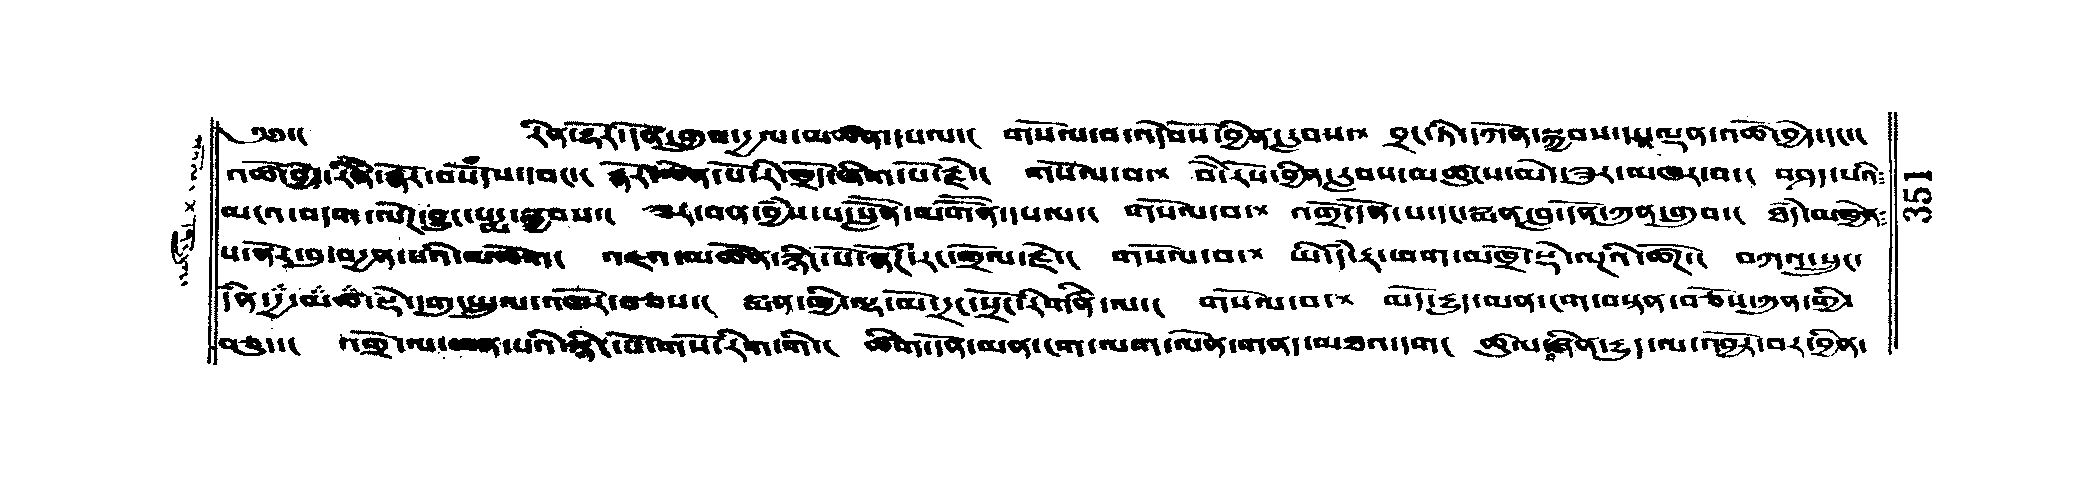རིན་རྡོར་དོན་གྲུབ་རྒྱལ་མཚན་དཔལ། །གསོལ་བ་འདེབས་སོ་བྱིན་རླབས༴།བྲང་ཏི་དཀོན་སྐྱབས་དཔལ་ལྡན་འཚོ་བྱེད་དང་། །
འཚོ་བྱེད་རིན་ཆེན་རྣལ་འབྱོར་བསོད་ནམས་དབང་། །རྣལ་འབྱོར་ཆེན་པོ་རི་ཁྲོད་ཞིག་པོ་རྗེ། །གསོལ་བ༴ །བཻ་རོས་བྱིན་རླབས་མཚུངས་མེད་ཟུར་མཁར་བ། །བཤད་པའི་
མངའ་བདག་ལེགས་བྱུང་པདྨ་སྐྱབས། །ཟར་བན་བྱམས་པ་སློབ་དཔོན་མགོན་པོ་དཔལ། །གསོལ་བ༴ འགྲོ་དོན་པ་དང་སྨན་བླ་དོན་ཀུན་གྲུབ། །ཐམས་ཅད་མཁྱེན་
པ་ནོར་བུ་བརྒྱན་པའི་མཆོག །འཇའ་མཚོན་སྙིང་པོ་སྣ་ཚོགས་རང་གྲོལ་རྗེ། །གསོལ་བ༴ །ཡི་དམ་རྟ་ཕག་མཁའ་འགྲོ་སྡེ་ལྔའི་ཚོགས། །བཀའ་སྲུང་
དམ་ཅན་སྡེ་དགུ་སྤྲུལ་འཁོར་བཅས། །སྨན་གྱི་ལྷ་མེ་དྲང་སྲོང་རིག་འཛིན་ལ། །གསོལ་བ༴ །མདོ་རྒྱུད་མན་ངག་བསྟན་བཅོས་ཀུན་གྱི་
བཅུད། །འགྲོ་ལ་ཕན་པའི་སྙིང་པོ་གསོ་རིག་གི །ཚིག་དོན་མན་ངག་ལག་ལོན་གནད་མཐའ་དག །ཚུལ་བཞིན་རྒྱུད་ལ་འབྱོར་བ་བྱིན་